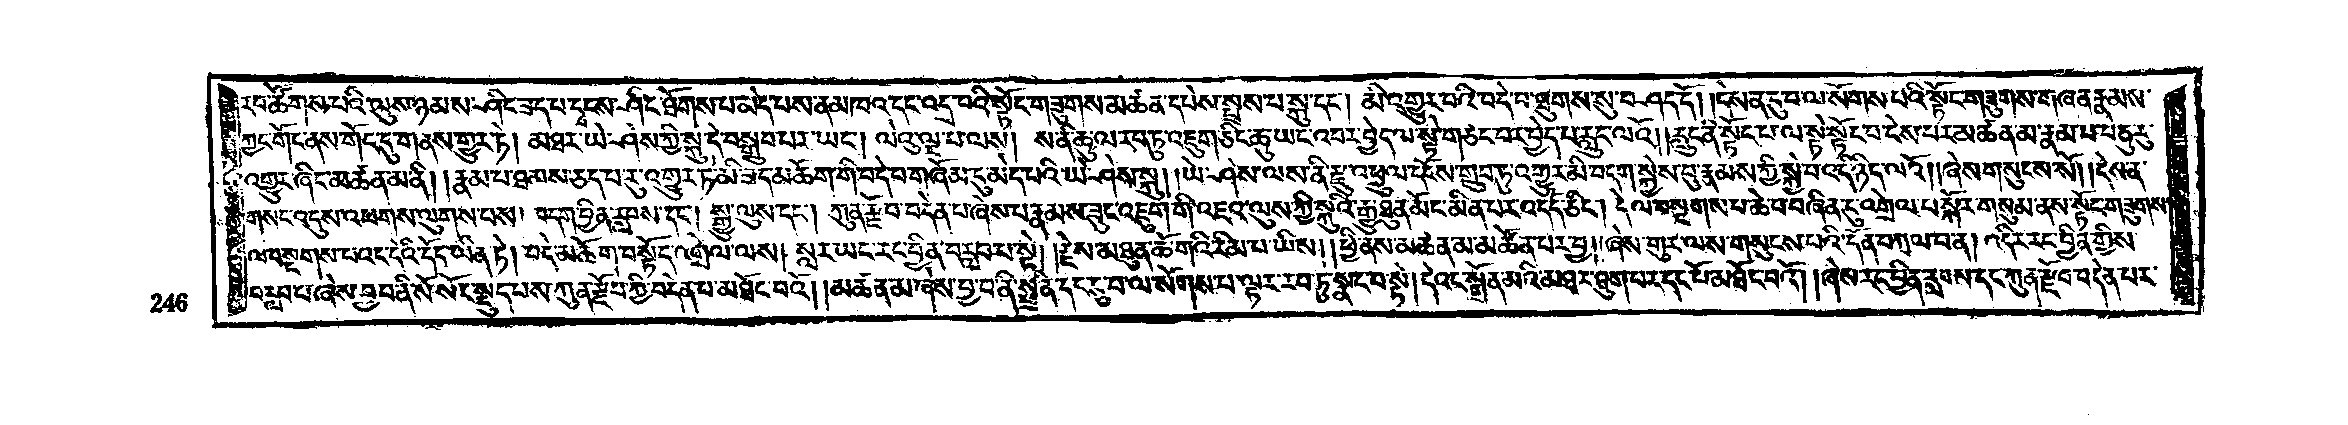རང་ཚོགས་པའི་ལུས་ཉམས་ཤིང་ཟད་པ་དྭངས་ཤིང་ཐོགས་པ་མེད་པས་ནམ་མཁའ་དང་འདྲ་བའི་སྟོང་གཟུགས་མཚན་དཔེས་སྤྲས་པ་སྐུ་དང་། མི་འགྱུར་བའི་བདེ་བ་ཐུགས་སུ་བཤད་དོ། །དེས་ན་དུ་བ་ལ་སོགས་པའི་སྟོང་གཟུགས་གཞན་རྣམས་
ཀྱང་གོང་ནས་གོང་དུ་གནས་གྱུར་ཏེ། མཐར་ཡེ་ཤེས་ཀྱི་སྐུ་དེ་བསྒྲུབ་པར་ཡང་། ལེའུ་ལྔ་པ་ལས། ས་ནི་ཆུ་ལ་རབ་ཏུ་འཇུག་ཅིང་ཆུ་ཡང་འབར་བྱེད་ལ་སྟེ་གཙང་བར་བྱེད་པ་རླུང་ལའོ། །རླུང་ནི་སྟོང་པ་ལ་སྟེ་སྟོང་བ་ངེས་པར་མཚན་མ་རྣམ་པ་བཅུ་རུ་
འགྱུར་ཞིང་མཚན་མ་ནི། །རྣམ་པ་ཐམས་ཅད་པ་རུ་འགྱུར་ཏེ་མི་ཟད་མཆོག་གི་བདེ་བ་གཞོམ་དུ་མེད་པའི་ཡེ་ཤེས་སྐུ། །ཡེ་ཤེས་ལས་ནི་རྫུ་འཕྲུལ་དངོས་གྲུབ་ཏུ་འགྱུར་མི་བདག་སྐྱེས་བུ་རྣམས་ཀྱི་སྐྱེ་བ་འདི་ཉིད་ལའོ། །ཞེས་གསུངས་སོ། །དེས་ན་
གསང་འདུས་འཕགས་ལུགས་པས། བདག་བྱིན་རླབས་དང་། སྒྱུ་ལུས་དང་། ཀུན་རྫོབས་བདེན་པ་ཞེས་པ་རྣམས་ཟུང་འཇུག་གི་འཇའ་ལུས་ཀྱི་སྐུའི་རྒྱུ་ཐུན་མོང་མིན་པར་འདོད་ཅིང་།དེ་ལ་བསངས་པ་ཆེ་བ་བཞིན་དུ་འགྲེལ་པ་སྐོར་གསུམ་ནས་སྟོང་གཟུགས་
ལ་བསྔགས་པའང་དེའི་དོད་ཡིན་ཏེ། བདེ་མཆོག་བསྟོད་འགྲེལ་ལས། སླར་ཡང་རང་བྱིན་བརླབ་པ་སྟེ། །རྗེས་མཐུན་ཆོ་གའི་རིམ་པ་ཡིས། །ཕྱི་ནས་མཚན་མ་མཚོན་པར་བྱ། །ཞེས་གུར་ལས་གསུངས་པའི་དོན་བཀྲལ་བ་ན། འདིར་རང་བྱིན་གྱིས་
བརླབ་པ་ཞེས་བྱ་བ་ནི་སོ་སོར་སྡུད་པས་ཀུན་རྫོབ་ཀྱི་བདེན་པ་མཐོང་བའོ། །མཚན་མ་ཞེས་བྱ་བ་ནི་སྤྲིན་དང་དུ་བ་ལ་སོགས་པ་ལྟར་རབ་ཏུ་སྣང་བ་སྟེ། དེའང་སྒྲོན་མའི་མཐར་ཐུག་པར་དང་པོ་མཐོང་བའོ། །ཞེས་རང་བྱིན་རླབས་དང་ཀུན་རྫོབ་བདེན་པར་